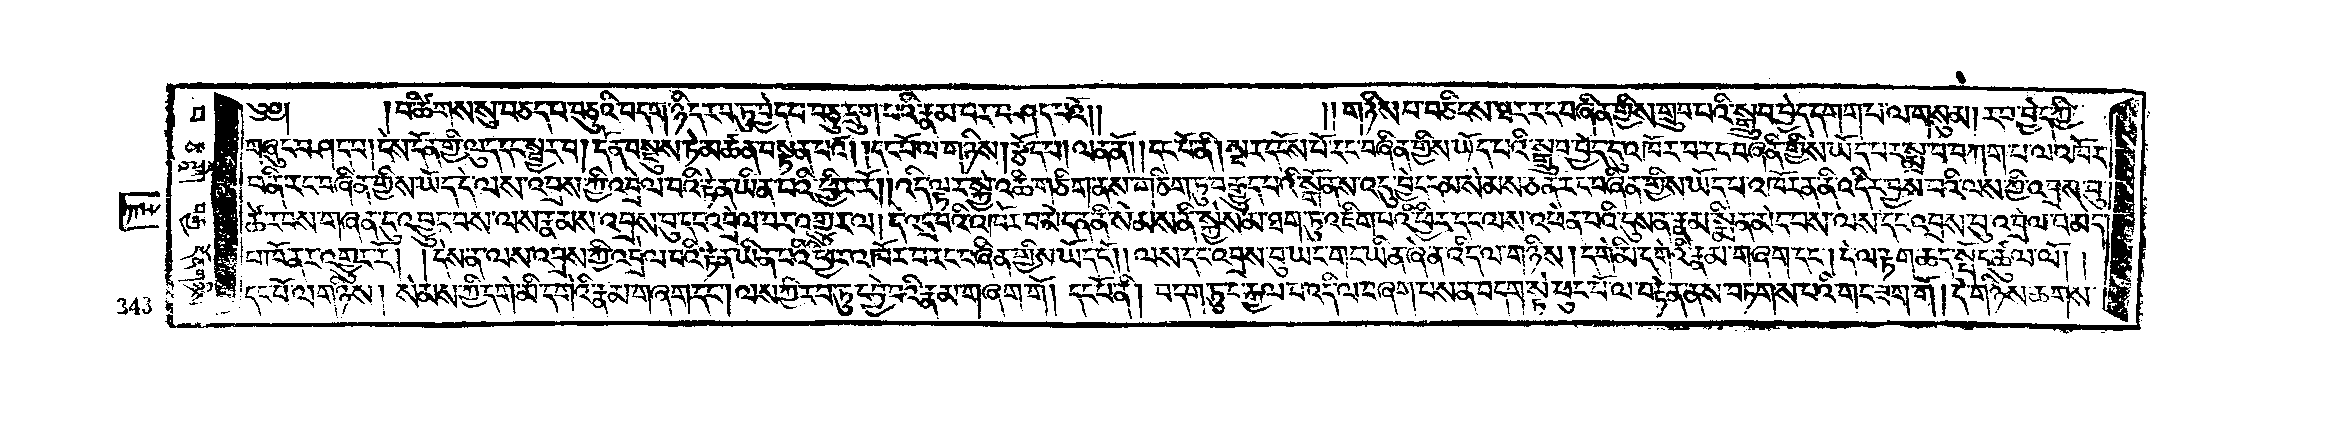༄༅། །བ་ཚིགས་སུ་བཅད་པ་བཅུའི་བདག་ཉིད་རབ་ཏུ་བྱེད་པ་བཅུ་དྲུག་པའི་རྣམ་པར་བཤད་པའོ།། །།གཉིས་པ་བཅིངས་ཐར་རང་བཞིན་གྱིས་གྲུབ་པའི་སྒྲུབ་བྱེད་དགག་པ་ལ་གསུམ། རབ་བྱེད་ཀྱི་
གཞུང་བཤད་པ། ངེས་དོན་གྱི་ལུད་དང་སྦྱར་བ། དོན་བསྡུས་ཏེ་མཚན་བསྟན་པའོ། །དང་པོ་ལ་གཉིས། རྩོད་པ། ལན་ནོ། །དང་པོ་ནི། སྔར་དངོས་པོ་རང་བཞིན་གྱིས་ཡོད་པའི་སྒྲུབ་བྱེད་དུ་འཁོར་བ་རང་བཞིན་གྱིས་ཡོད་པར་སྨྲ་བ་བཀག་པ་ལ་འཁོར་
པ་ནི་རང་བཞིན་གྱིས་ཡོད་དེ་ལས་འབྲས་ཀྱི་འབྲེལ་བའི་རྟེན་ཡིན་པའི་ཕྱིར་རོ། །འདི་ལྟར་སྐྱེ་འཆི་གཅིག་ནས་གཅིག་ཏུ་བརྒྱུད་པའི་སྒོ་ནས་འདུ་བྱེད་དམ་སེམས་ཅན་རང་བཞིན་གྱིས་ཡོད་པ་འཁོར་ན་ནི་འདིར་བྱས་པའི་ལས་ཀྱི་འབྲས་བུ་
ཚེ་རབས་གཞན་དུ་འབྱུང་བས་ལས་རྣམས་འབྲས་བུ་དང་འབྲེལ་བར་འགྱུར་ལ། དེ་འདྲ་བའི་འཁོར་བ་མེད་ན་ནི་སེམས་ནི་སྐྱེས་མ་ཐག་ཏུ་འཇིག་པའི་ཕྱིར་དང་ལས་འཕེན་པའི་དུས་ན་རྣམ་སྨིན་མེད་པས་ལས་དང་འབྲས་བུ་འབྲེལ་བ་མེད་
པ་ཁོ་ནར་འགྱུར་རོ། །དེས་ན་ལས་འབྲས་ཀྱི་འབྲེལ་བའི་རྟེན་ཡིན་པའི་ཕྱིར་འཁོར་བ་རང་བཞིན་གྱིས་ཡོད་དོ། །ལས་དང་འབྲས་བུ་ཡང་གང་ཡིན་ཞེ་ན་འདི་ལ་གཉིས། དགེ་མི་དགེའི་རྣམ་གཞག་དང་། དེ་ལ་རྟག་ཆད་སྤོང་ཚུལ་ལོ། །
དང་པོ་ལ་གཉིས། སེམས་ཀྱི་དགེ་མི་དགེའི་རྣམ་གཞག་དང་། ལས་ཀྱི་རབ་ཏུ་དབྱེ་བའི་རྣམ་གཞག་གོ །དང་པོ་ནི། བདག་ཏུ་ང་རྒྱལ་བ་འདི་ལ་བཞག་པས་ན་བདག་སྟེ་ཕུང་པོ་ལ་བརྟེན་ནས་བཏེགས་པའི་གང་ཟག་གོ །དེ་གཉིས་ཆགས་